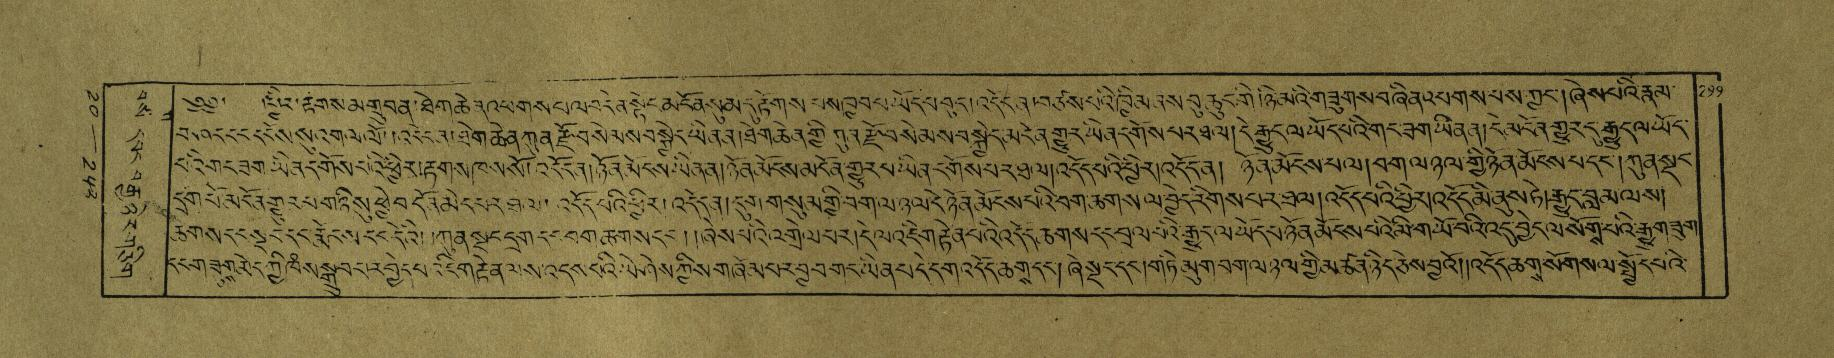༄༅། །ཕྱིར། རྟགས་མ་གྲུབ་ན། ཐེག་ཆེན་འཕགས་པ་ལ་བདེན་སྟོང་མངོན་སུམ་དུ་རྟོགས་པས་ཁྱབ་པ་ཡོད་པ་བུད། འདོད་ན་།བཙས་པའི་ཁྱིམ་ནས་བུ་ཆུང་གི །ཉི་མའི་གཟུགས་བཞིན་འཕགས་པས་ཀྱང་། ཞེས་པའི་རྣམ་
བཤད་དང་དངོས་སུ་འགལ་ལོ། །འདོད་ན། ཐེག་ཆེན་ཀུན་རྫོབ་སེམས་བསྐྱེད་ཡིན་ན། ཐེག་ཆེན་གྱི་ཀུན་རྫོབ་སེམས་བསྐྱེད་མངོན་གྱུར་ཡིན་དགོས་པར་ཐལ། དེ་རྒྱུད་ལ་ཡོད་པའི་གང་ཟག་ཡིན་ན། དེ་མངོན་གྱུར་དུ་རྒྱུད་ལ་ཡོད་
པའི་གང་ཟག་ཡིན་དགོས་པའི་ཕྱིར། རྟགས་ཁས་སོ། འདོད་ན། ཉོན་མོངས་ཡིན་ན། ཉོན་མོངས་མངོན་གྱུར་པ་ཡིན་དགོས་པར་ཐལ། འདོད་པའི་ཕྱིར། འདོད་ན། ཉོན་མོངས་པ་ལ། བག་ལ་ཉལ་གྱི་ཉོན་མོངས་པ་དང་། ཀུན་སྡང་
དྲག་པོ་མངོན་གྱུར་པ་གཉིསུ་ཕྱེ་བ་དོན་མེད་པར་ཐལ། འདོད་པའི་ཕྱིར། འདོད་ན། དུག་གསུམ་གྱི་བག་ལ་ཉལ་དེ་ཉོན་མོངས་པའི་བག་ཆགས་ལ་བྱེད་རིགས་པར་ཐལ། འདོད་པའི་ཕྱིར། འདོད་མི་ནུས་ཏེ། རྒྱུད་བླ་མ་ལས།
ཆགས་དང་སྡང་དང་རྨོངས་དང་དེའི། །ཀུན་སྡང་དྲག་དང་བག་ཆགས་དང་། །ཞེས་པའི་འགྲེལ་པར། དེ་ལ་འཇིག་རྟེན་པའི་འདོད་ཆགས་དང་བྲལ་པའི་རྒྱུད་ལ་ཡོད་པ་ཉོན་མོངས་པའི་མི་གཡོ་བའི་འདུ་བྱེད་ལ་སོགས་པའི་རྒྱུ་གཟུག་
དང་གཟུགས་མེད་ཀྱི་ཁཾས་སྒྲུབ་པར་བྱེད་པ་འཇིག་རྟེན་ལས་འདས་པའི་ཡེ་ཤེས་ཀྱིས་གཞོམ་པར་བྱ་བ་གང་ཡིན་པ་དེ་དག་འདོད་ཆགས་དང་། ཞེ་སྡང་དང་། གཏི་མུག་བག་ལ་ཉལ་གྱི་མཚན་ཉིད་ཅེས་བྱའོ། །འདོད་ཆགས་སོགས་ལ་སྤྱོད་པའི་